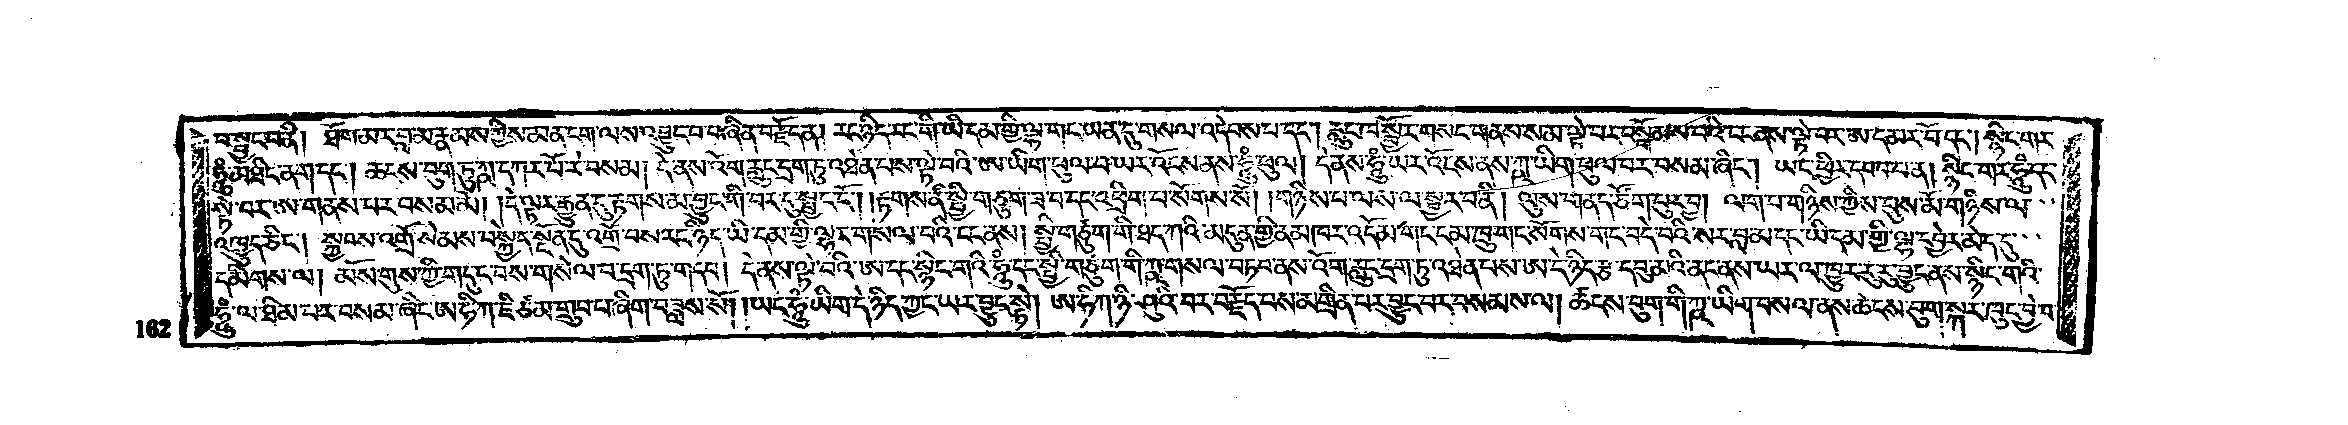བ་སྦྱང་བ་ནི། ཐོག་མར་བླ་མ་རྣམས་ཀྱིས་མན་ངག་ལས་འབྱུང་བ་བཞིན་བརྗོད་ན། རང་ཉིད་རང་གི་ཡི་དམ་གྱི་ལྷ་གང་ཡིན་དུ་གསལ་འདེབས་པ་དང་། རླུང་ཁ་སྦྱོར་གསང་གནས་སམ་ལྟེ་བར་བསྒོམས་པའི་ངང་ནས་ལྟེ་བར་ཨ་དམར་པོ་དང་། སྙིང་གར་
ཧཱུཾ་མཐིང་ནག་དང་། ཚངས་བུག་ཏུ་ཀྵ་དཀར་པོ་རེ་བསམ། དེ་ནས་འོག་རླུང་དྲག་ཏུ་འཐེན་པས་ལྟེ་བའི་ཨ་ཡིག་ཕུལ་བ་ཡར་འོངས་ནས་ཧཱུཾ་ཕུལ། དེ་ནས་ཧཱུཾ་ཡར་འོངས་ནས་ཀྵ་ཡིག་ཕུལ་བར་བསམ་ཞིང་། ཡང་ཕྱིར་དབབ་པ་ན། སྙིང་གར་ཧཱུཾ་དང་
ལྟེ་བར་ཨ་གནས་པར་བསམ་མོ། །དེ་ལྟར་རྒྱུན་དུ་རྟགས་མ་བྱུང་གི་བར་དུ་སྦྱང་ངོ། །རྟགས་ནི་སྤྱི་གཙུག་ཟ་བ་དང་འཕྲིག་པ་སོགས་སོ། །གཉིས་པ་ལས་ལ་སྦྱར་བ་ནི། ལུས་གནད་ཙོག་པུར་བྱ། ལག་པ་གཉིས་ཀྱིས་པུས་མོ་གཉིས་ལ་
འཁྱུད་ཅིང་། སྐྱབས་འགྲོ་སེམས་བསྐྱེད་སྔོན་དུ་འགྲོ་བས་རང་ཉིད་ཡི་དམ་གྱི་ལྷར་གསལ་བའི་ངང་ནས། སྤྱི་གཙུག་གི་ཐད་ཀའི་མདུན་གྱི་ནམ་མཁར་འདོམ་གང་དམ་ཁྲུ་གང་སོགས་གང་བདེ་བའི་སར་བླ་མ་དང་ཡི་དམ་གྱི་ལྷ་དབྱེར་མེད་དུ་
དམིགས་ལ། མོས་གུས་ཀྱི་གདུང་བས་གསོལ་བ་དྲག་ཏུ་གདབ། དེ་ནས་ལྟེ་བའི་ཨ་དང་སྙིང་གའི་ཧཱུཾ་དང་སྤྱི་གཙུག་གི་ཀྵ་གསལ་བཏབ་ནས་འོག་རླུང་དྲག་ཏུ་འཐེན་པས་ཨ་དེ་ཉིད་རྩ་དབུ་མའི་ནང་ནས་ཡར་ལ་ཁྱུར་རུ་རུ་བྱུང་ནས་སྙིང་གའི་
ཧཱུཾ་ལ་ཐིམ་པར་བསམ་ཞིང་ཨ་ཧི་ཀ་ཇི་ཙམ་གྲུབ་པ་ཞིག་བཟླས་སོ། །ཡང་ཧཱུཾ་ཡིག་དེ་ཉིད་ཀྱང་ཡར་བྱུང་སྟེ། ཨ་ཧི་ཀ་ཉི་ཤུའི་བར་བརྗོད་པས་མགྲིན་པར་བྱུང་བར་བསམས་ལ། ཚངས་བུག་གི་ཀྵ་ཡིག་བསལ་ནས་ཚངས་བུག་སྐར་ཁུང་བྱེ་བ་